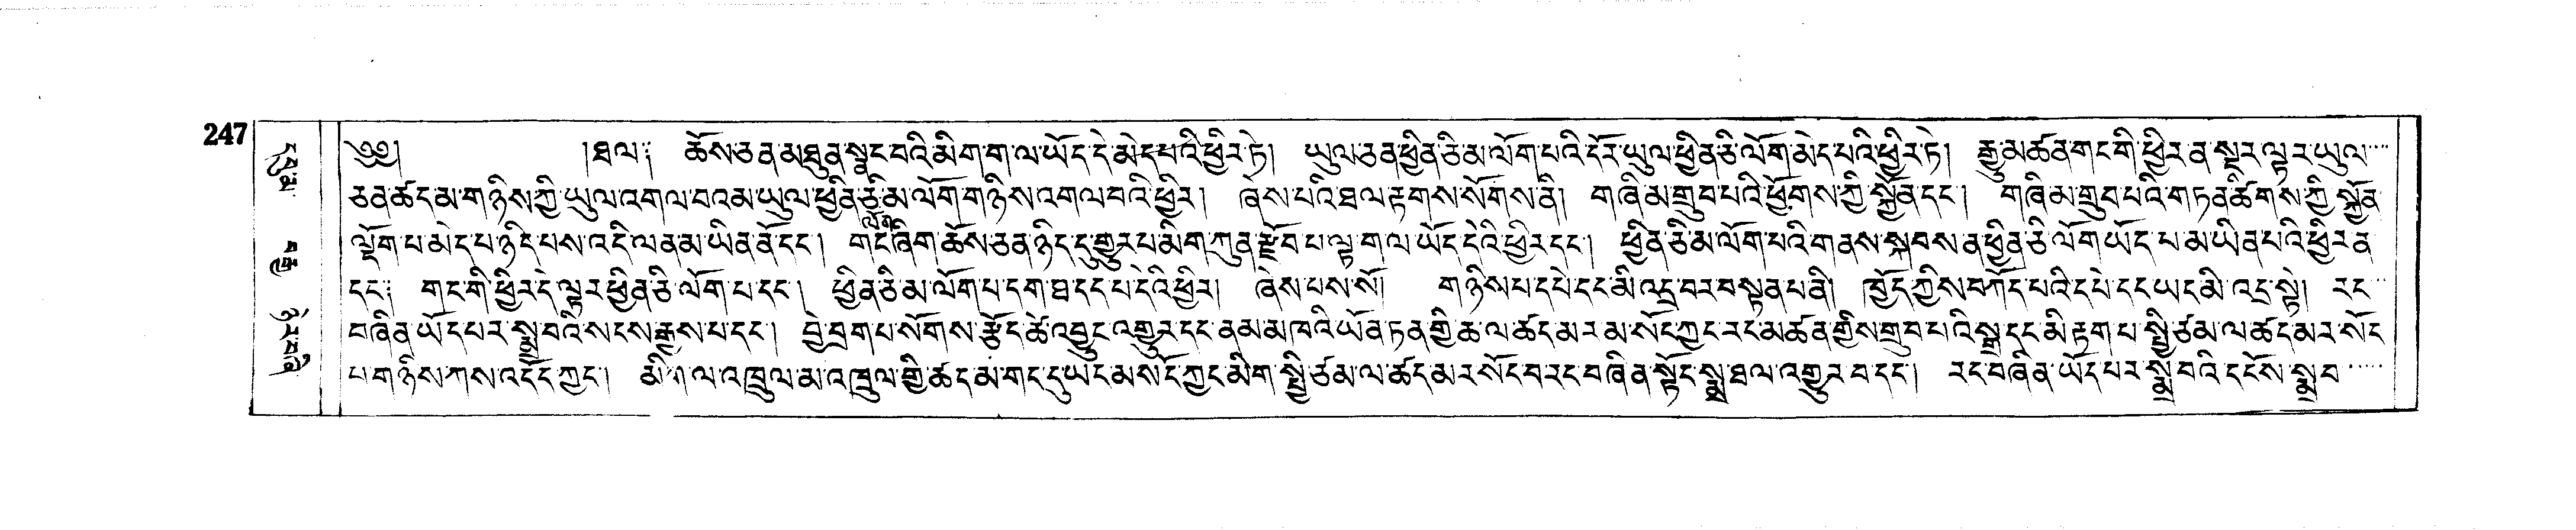༄༅། །ཐལ། ཆོས་ཅན་མཐུན་སྣང་བའི་མིག་ག་ལ་ཡོད་དེ་མེད་པའི་ཕྱིར་ཏེ། ཡུལ་ཅན་ཕྱིན་ཅི་མ་ལོག་པའི་དོར་ཡུལ་ཕྱིན་ཅི་ལོག་མེད་པའི་ཕྱིར་ཏེ། རྒྱུ་མཚན་གང་གི་ཕྱིར་ན་སྔར་ལྟར་ཡུལ་
ཅན་ཚད་མ་གཉིས་ཀྱི་ཡུལ་འགལ་བའམ་ཡུལ་ཕྱིན་ཅི་ལོག་མ་ལོག་གཉིས་འགལ་བའི་ཕྱིར། ཞེས་པའི་ཐལ་རྟགས་སོགས་ནི། གཞི་མ་གྲུབ་པའི་ཕྱོགས་ཀྱི་སྐྱོན་དང་། གཞི་མ་གྲུབ་པའི་གཏན་ཚིགས་ཀྱི་སྐྱོན་
ལྡོག་པ་མེད་པ་ཉིད་པས་འདི་ལན་མ་ཡིན་ནོ་དང་། གང་ཞིག་ཆོས་ཅན་ཉིད་དུ་གྱུར་པ་མིག་ཀུན་རྫོབ་པ་ལྟ་ག་ལ་ཡོད་དེའི་ཕྱིར་དང་། ཕྱིན་ཅི་མ་ལོག་པའི་གནས་སྐབས་ན་ཕྱིན་ཅི་ལོག་ཡོད་པ་མ་ཡིན་པའི་ཕྱིར་ན་
དང་། གང་གི་ཕྱིར་དེ་ལྟར་ཕྱིན་ཅི་ལོག་པ་དང་། ཕྱིན་ཅི་མ་ལོག་པ་དག་ཐ་དད་པ་དེའི་ཕྱིར། ཞེས་པས་སོ། གཉིས་པ་དཔེ་དང་མི་འདྲ་བར་བསྟན་པ་ནི། ཁྱོད་ཀྱིས་བཀོད་པའི་དཔེ་དང་ཡང་མི་འདྲ་སྟེ། རང་
བཞིན་ཡོད་པར་སྨྲ་བའི་སངས་རྒྱས་པ་དང་། བྱེ་བྲག་པ་སོགས་རྩོད་ཚེ་འབྱུང་འགྱུར་དང་ནམ་མཁའི་ཡོན་ཏན་གྱི་ཆ་ལ་ཚད་མར་མ་སོང་ཀྱང་རང་མཚན་གྱིས་གྲུབ་པའི་སྒྲ་དང་མི་རྟག་པ་སྤྱི་ཙམ་ལ་ཚད་མར་སོང་
པ་གཉིས་ཀས་འདོད་ཀྱང་། མིག་ལ་འཁྲུལ་མ་འཁྲུལ་གྱི་ཚད་མ་གང་དུ་ཡང་མ་སོང་ཀྱང་མིག་སྤྱི་ཙམ་ལ་ཚད་མར་སོང་བ་རང་བཞིན་སྟོང་སྨྲ་ཐལ་འགྱུར་བ་དང་། རང་བཞིན་ཡོད་པར་སྨྲ་བའི་དངོས་སྨྲ་བ་